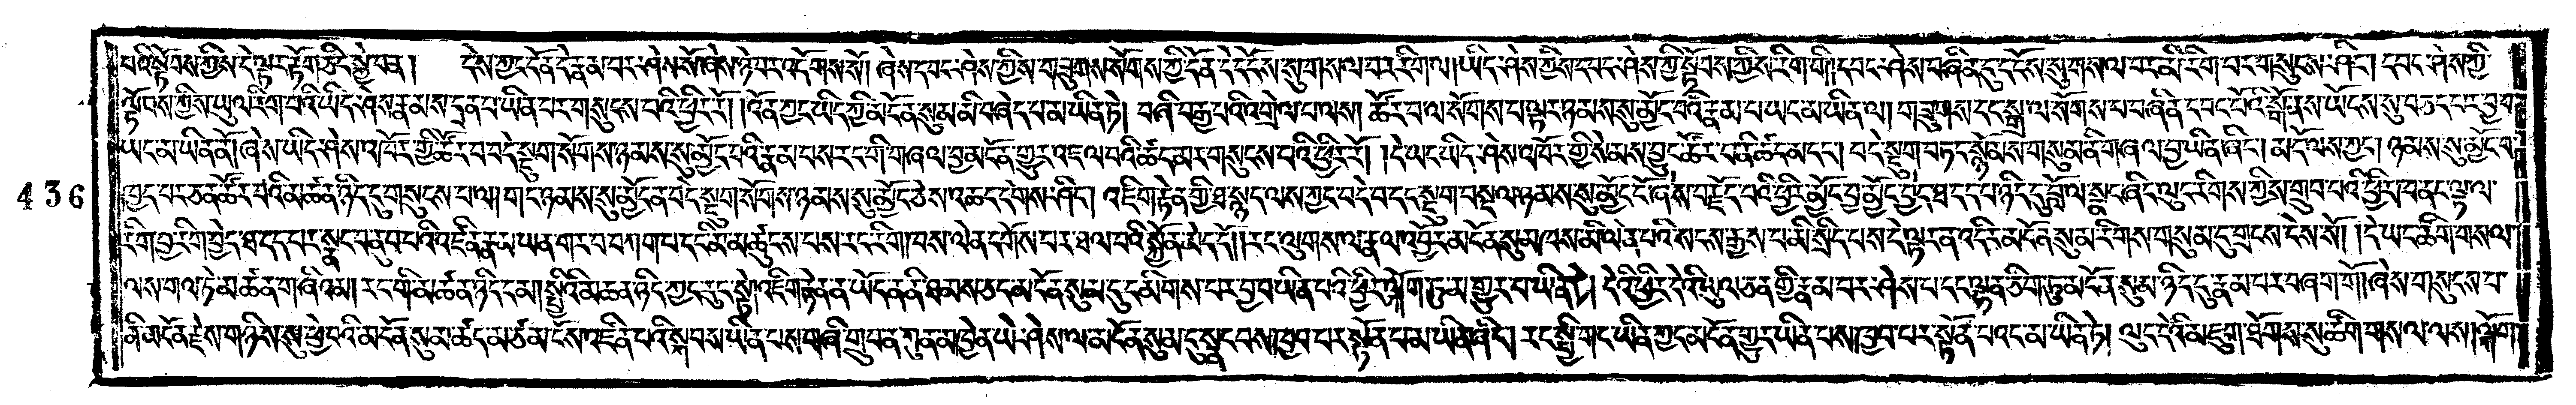པའི་སྟོབས་ཀྱིས་དེ་ལྟར་རྟོག་ཅིང་སྐྱེ་བ་ན། དེས་ཀྱང་དོན་དེ་རྣམ་བར་ཤེས་སོ་ཞེས་ཉེ་བར་འདོགས་སོ། ཞེས་དབང་ཤེས་ཀྱིས་གཟུགས་སོགས་ཀྱི་དོན་དེ་དངོས་སུ་གསལ་བར་རིག་ལ། ཡིད་ཤེས་ཀྱིས་དབང་ཤེས་ཀྱི་སྟོབས་ཀྱིས་རིག་གི །དབང་ཤེས་བཞིན་དུ་དངོས་སུ་གསལ་བར་མི་རིག་བར་གསུངས་ཤིང་། དབང་ཤེས་ཀྱི་
ལྟོབས་ཀྱིས་ཡུལ་རིག་བའི་ཡིད་ཤེས་རྣམས་དྲན་བ་ཡིན་པར་གསུངས་པའི་ཕྱིར་རོ། །འོན་ཀྱང་ཡིད་ཀྱི་མངོན་སུམ་མི་བཞེད་པ་མ་ཡིན་ཏེ། བཞི་བརྒྱ་པའི་འགྲེལ་པ་ལས། ཚོར་བ་ལ་སོགས་པ་ལྟར་ཉམས་སུ་མྱོང་བའི་རྣམ་པ་ཡང་མ་ཡིན་ལ། གཟུགས་དང་སྒྲ་ལ་སོགས་པ་བཞིན་དབང་པོའི་སྒོ་ནས་ཡོངས་སུ་བཅད་པར་བྱ་བ་
ཡང་མ་ཡིན་ནོ། ཞེས་ཡིད་ཤེས་འཁོར་གྱི་ཚོར་བ་བདེ་སྡུག་སོགས་ཉམས་སུ་མྱོང་བའི་རྣམ་བས་རང་གི་གཞལ་བྱ་མངོན་གྱུར་འཇལ་བའི་ཚད་མར་གསུངས་བའི་ཕྱིར་རོ། །དེ་ཡང་ཡིད་ཤེས་འཁོར་གྱི་སེམས་བྱུང་ཚོར་བ་ནི་ཚད་མ་དང་། བདེ་སྡུག་བཏང་སྙོམས་གསུམ་ནི་གཞལ་བྱ་ཡིན་ཞིང་། མདོ་ལས་ཀྱང་། ཉམས་སུ་མྱོང་བ་
ཁྱད་བར་ཅན་ཚོར་བའི་མཚན་ཉིད་དུ་གསུངས་པ་ལ། གང་ཉམས་སུ་མྱོང་ན་བདེ་སྡུག་སོགས་ཉམས་སུ་མྱོང་ཅེས་འཆད་དགོས་ཤིང་། འཇིག་རྟེན་གྱི་ཐ་སྙད་ལས་ཀྱང་བདེ་བ་དང་སྡུག་བསྔལ་ཉམས་སུ་མྱོང་ངོ་ཞེས་བརྗོད་པའི་ཕྱིར་མྱོང་བྱ་མྱོང་བྱེད་ཐ་དད་པ་ཉིད་དུ་བློ་ལ་སྣང་ཞིང་ལུང་རིགས་ཀྱིས་གྲུབ་བའི་ཕྱིར་ཁ་ནང་ལྟ་ལ་
རིག་བྱ་རིག་བྱེད་ཐ་དད་པར་སྣང་བ་ནུབ་པའི་འཛིན་རྣམ་ཡན་གར་བ་བཀག་པ་དང་མི་མཚུངས་པས་རང་རིག་ཁས་ལེན་དགོས་པར་ཐལ་བའི་སྐྱོན་མེད་དོ། །རང་ལུགས་ལ་རྣལ་འབྱོར་མངོན་སུམ་ཁས་མི་ལེན་པའི་སངས་རྒྱས་པ་མི་སྲིད་པས་དེ་ལྟར་ན་འདིར་མངོན་སུམ་རིགས་གསུམ་དུ་གྲངས་ངེས་སོ། །དེ་ཡང་ཚིག་གསལ་
ལས་གལ་ཏེ་མཚན་གཞིའམ། རང་གི་མཚན་ཉིད་དམ། སྤྱིའི་མཚན་ཉིད་ཀྱང་རུང་སྟེ། འཇིག་རྟེན་ན་ཡོད་ན་ནི་ཐམས་ཅད་མངོན་སུམ་དུ་དམིགས་པར་བྱ་བ་ཡིན་པའི་ཕྱིར་ལྐོག་ཏུ་མ་གྱུར་པ་ཡིན་ཏེ། དེའི་ཕྱིར་དེའི་ཡུལ་ཅན་གྱི་རྣམ་བར་ཤེས་པ་དང་ལྷན་ཅིག་ཏུ་མངོན་སུམ་ཉིད་དུ་རྣམ་བར་བཞག་གོ། ཞེས་གསུངས་པ་
ནི་མངོན་རྗེས་གཉིས་སུ་ཕྱེ་བའི་མངོན་སུམ་ཚད་མ་ཙམ་ངོས་འཛིན་པའི་སྐབས་ཡིན་པས་གཞི་གྲུབ་ན་ཀུན་མཁྱེན་ཡེ་ཤེས་ལ་མངོན་སུམ་དུ་སྣང་བས་ཁྱབ་པར་སྟོན་པ་མ་ཡིན་ཞིང་། རང་སྤྱི་གང་ཡིན་ཀྱང་མངོན་གྱུར་ཡིན་པས་ཁྱབ་པར་སྟོན་པའང་མ་ཡིན་ཏེ། ལུང་དེའི་མཇུག་ཐོགས་སུ་ཚིག་གསལ་ལས། ལྐོག་